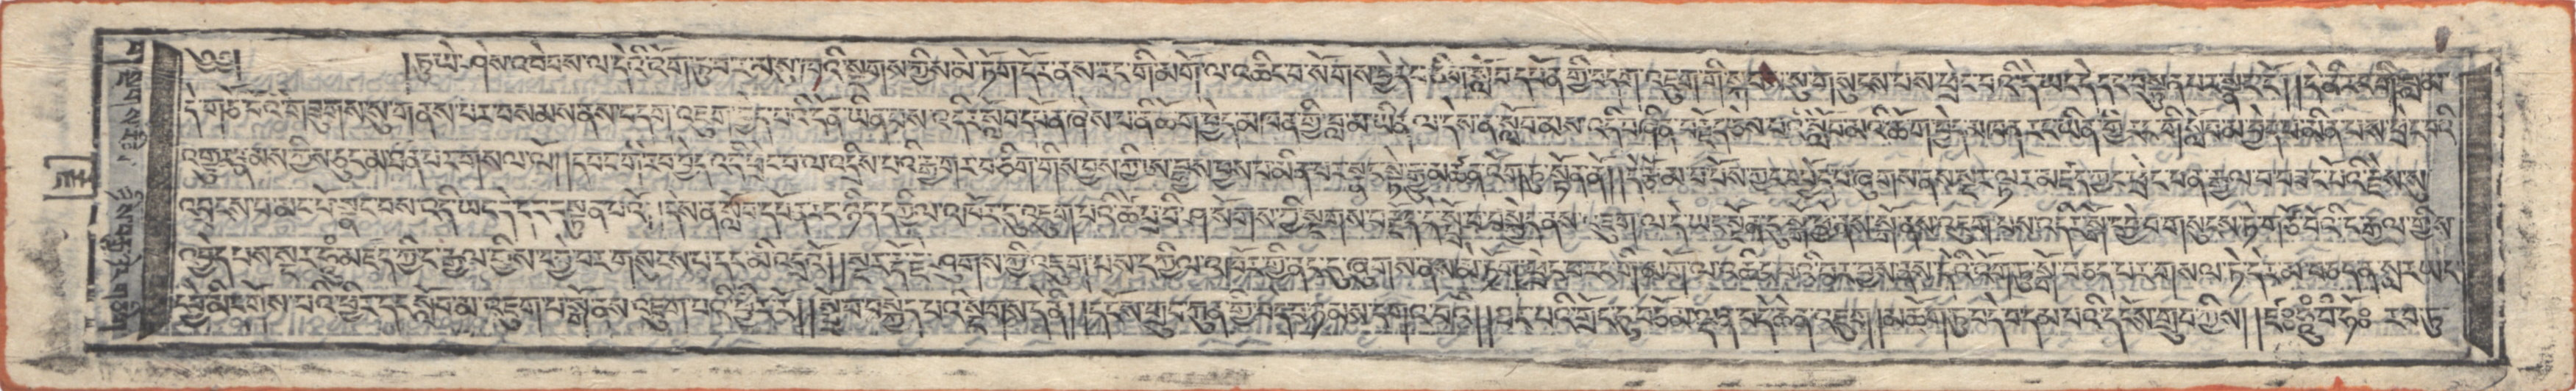༄༅། །ཏུ་ཡེ་ཤེས་འབེབས་ལ་དེའི་འོག་ཏུ་བ་ར་མ་སུ་ཁའི་སྔགས་ཀྱིས་མེ་ཏོག་དོར་ནས་རང་གི་མགོ་ལ་འཆིང་བ་སོགས་བྱེད་པ་ཅིག་སློབ་དཔོན་གྱི་བདག་འཇུག་གི་སྐབས་སུ་གསུངས་པས་ཕྲེང་བའི་དེ་ཡང་དེ་དང་བསྟུན་པར་སྣང་ངོ། །དེ་ནི་རང་གི་བླ་མ་
དེ་གཙོ་བོའི་གཟུགས་སུ་གནས་པར་བསམས་ནས་བདག་འཇུག་བྱེད་པའི་དོན་ཡིན་པས་འདིར་སློབ་དཔོན་ཞེས་པ་ནི་ཆོ་ག་བྱེད་མཁན་གྱི་བླ་མ་ཡིན་ལ་དེས་ན་སློབ་མས་འདི་བཞིན་བརྗོད་ཅེས་པའི་སློབ་མའི་ཆོ་ག་བྱེད་མཁན་རང་ཡིན་གྱི་རང་གི་སློབ་མ་བྱེད་པ་མིན་པས་ཕྲེང་བའི་
འགྱུར་རྣམས་ཀྱིས་ཅུང་མ་ཐོན་པར་གསལ་ལོ། །དབང་གི་རབ་བྱེད་འདི་ཕྲེང་བ་ལ་འདྲིས་པའི་རྒྱ་གར་བ་ཅིག་གིས་བྱས་ཀྱི་ཨ་བྷྱས་བྱས་པ་མིན་པར་སྣང་སྟེ་རྒྱུ་མཚན་འོག་ཏུ་སྟོན་ནོ། །དེ་རྩོམ་པ་པོས་ཀྱང་དཔྱོད་པ་ཞུགས་ནས་སྔར་ལྟར་མཛད་ཀྱང་ཕྲེང་བ་ན་རྒྱལ་བ་བཟང་པོའི་རྗེས་སུ་
འབྲངས་པ་མང་པོ་སྣང་བས་འདི་ཡང་དེ་དང་བསྟུན་པའོ། །དེས་ན་སློབ་དཔོན་རང་ཉིད་དཀྱིལ་འཁོར་དུ་འཇུག་པའི་ཚེ་པྲ་བི་ཤ་སོགས་ཀྱི་སྔགས་བརྗོད་དེ་སྤྲོ་བ་བསྐྱེད་ནས་འཇུག་ལ་དེ་ཡང་སྔོན་དུ་སྒོ་ཕྱེ་ནས་སྒོ་ནས་འཇུག་པས་འདིར་སྒོ་དབྱེ་བ་གསུངས་ཏེ་གཙོ་བོའི་ང་རྒྱལ་གྱིས་
འབྱེད་པས་སྔར་ཧཱུཾ་མཛད་ཀྱི་ང་རྒྱལ་གྱིས་དབྱེ་བར་གསུངས་པ་དང་མི་འདྲའོ། །སྔར་རྡོ་རྗེ་ཤུགས་ཀྱི་འཇུག་པས་དཀྱིལ་འཁོར་གྱི་ནང་དུ་ཞུགས་ནས་མེ་ཏོག་ཕྲེང་བ་རང་གི་མགོ་ལ་འཆིང་བའི་བར་བྱས་ནས་དེའི་འོག་ཏུ་སྒོ་བཅད་པར་གསལ་ཏེ་དེར་མ་བཅད་ན་སླར་ཡང་
དབྱེ་མི་དགོས་པའི་ཕྱིར་དང་སློབ་མ་འཇུག་པ་སྒོ་ནས་འཇུག་པའི་ཕྱིར་རོ། །སྤྲོ་བ་བསྐྱེད་པའི་སྔགས་དེ་ནི། །དངོས་གྲུབ་ཀུན་གྱི་བདེ་བ་ཉམས་དགའ་བའི། །ཐར་པའི་གྲོང་དུ་བཅོམ་ལྡན་བདེ་ཆེན་འཇུག །མཆོག་ཏུ་བདེ་བ་དམ་པའི་དངོས་གྲུབ་ཀྱིས། །ཛཿ ཧཱུཾ་བཾ་ཧོཿ རབ་ཏུ་